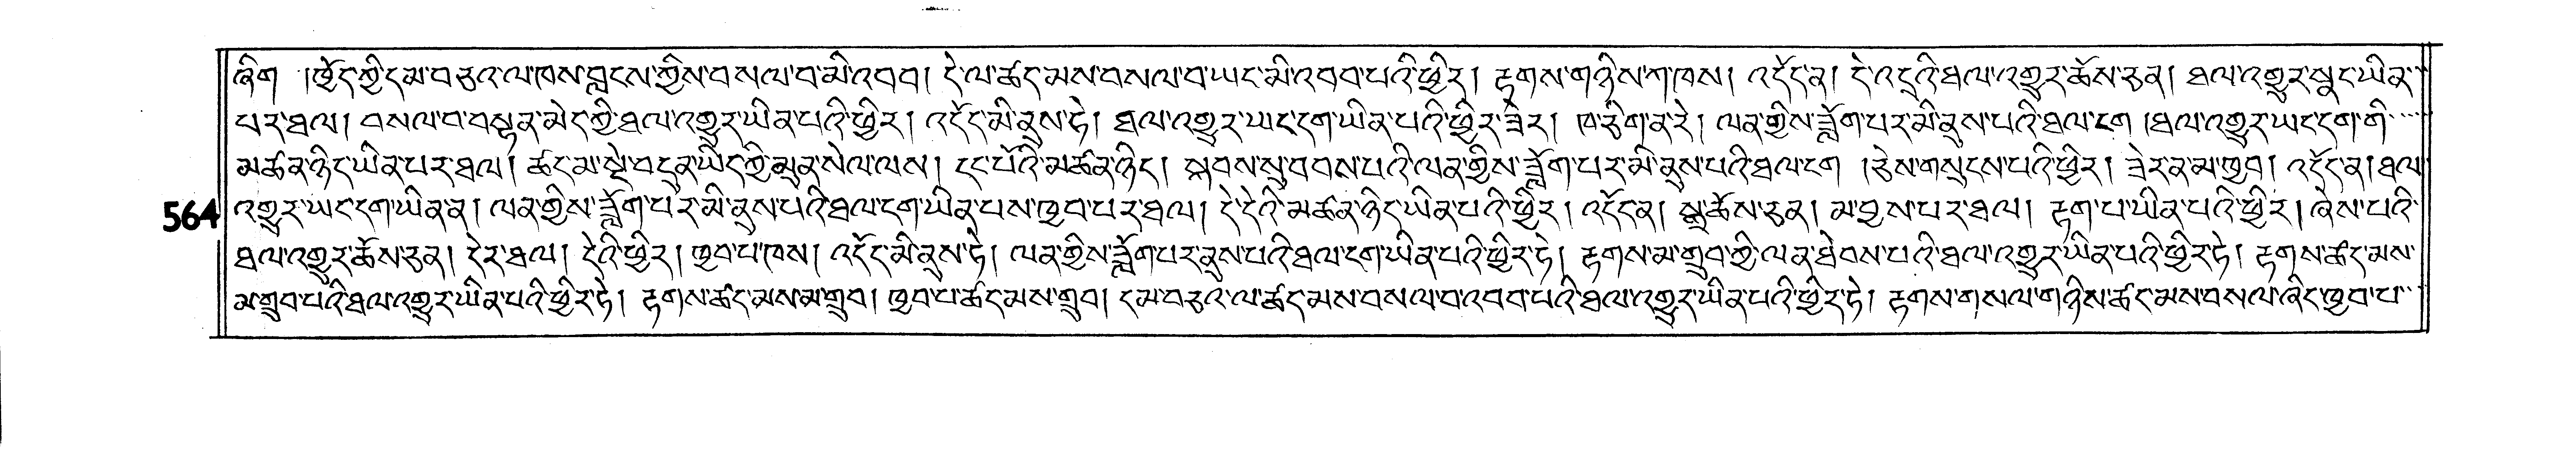ཞིག །ཁྱོད་ཀྱི་དམ་བཅའ་ལ་ཁས་བླངས་ཀྱིས་བསལ་བ་མི་འབབ། དེ་ལ་ཚད་མས་བསལ་བ་ཡང་མི་འབབ་པའི་ཕྱིར། རྟགས་གཉིས་ཀ་ཁས། འདོད་ན། དེ་འདྲའི་ཐལ་འགྱུར་ཆོས་ཅན། ཐལ་འགྱུར་སྣང་ཡིན་
པར་ཐལ། བསལ་བ་བསྟན་མེད་ཀྱི་ཐལ་འགྱུར་ཡིན་པའི་ཕྱིར། འདོད་མི་ནུས་ཏེ། ཐལ་འགྱུར་ཡང་དག་ཡིན་པའི་ཕྱིར་ཟེར། ཁ་ཅིག་ན་རེ། ལན་གྱིས་ཟློག་པར་མི་ནུས་པའི་ཐལ་ངག །ཐལ་འགྱུར་ཡང་དག་གི་
མཚན་ཉིད་ཡིན་པར་ཐལ། ཚད་མ་སྡེ་བདུན་ཡིད་ཀྱི་མུན་སེལ་ལས། དང་པོའི་མཚན་ཉིད། སྐབས་སུ་བབས་པའི་ལན་གྱིས་ཟློག་པར་མི་ནུས་པའི་ཐལ་ངག །ཅེས་གསུངས་པའི་ཕྱིར། ཟེར་ན་མ་ཁྱབ། འདོད་ན། ཐལ་
འགྱུར་ཡང་དག་ཡིན་ན། ལན་གྱིས་ཟློག་པར་མི་ནུས་པའི་ཐལ་དག་ཡིན་པས་ཁྱབ་པར་ཐལ། དེ་དེའི་མཚན་ཉིད་ཡིན་པའི་ཕྱིར། འདོད་ན། སྒྲ་ཆོས་ཅན། མ་བྱས་པར་ཐལ། རྟག་པ་ཡིན་པའི་ཕྱིར། ཞེས་པའི་
ཐལ་འགྱུར་ཆོས་ཅན། དེར་ཐལ། དེའི་ཕྱིར། ཁྱབ་པ་ཁས། འདོད་མི་ནུས་ཏེ། ལན་གྱིས་ཟློག་པར་ནུས་པའི་ཐལ་ངག་ཡིན་པའི་ཕྱིར་ཏེ། རྟགས་མ་གྲུབ་ཀྱི་ལན་ཐེབས་པའི་ཐལ་འགྱུར་ཡིན་པའི་ཕྱིར་ཏེ། རྟགས་ཚད་མས་
མ་གྲུབ་པའི་ཐལ་འགྱུར་ཡིན་པའི་ཕྱིར་ཏེ། རྟགས་ཚད་མས་མ་གྲུབ། ཁྱབ་པ་ཚད་མས་གྲུབ། དམ་བཅའ་ལ་ཚད་མས་བསལ་བ་འབབ་པའི་ཐལ་འགྱུར་ཡིན་པའི་ཕྱིར་ཏེ། རྟགས་གསལ་གཉིས་ཚང་མས་བསལ་ཞིང་ཁྱབ་པ་